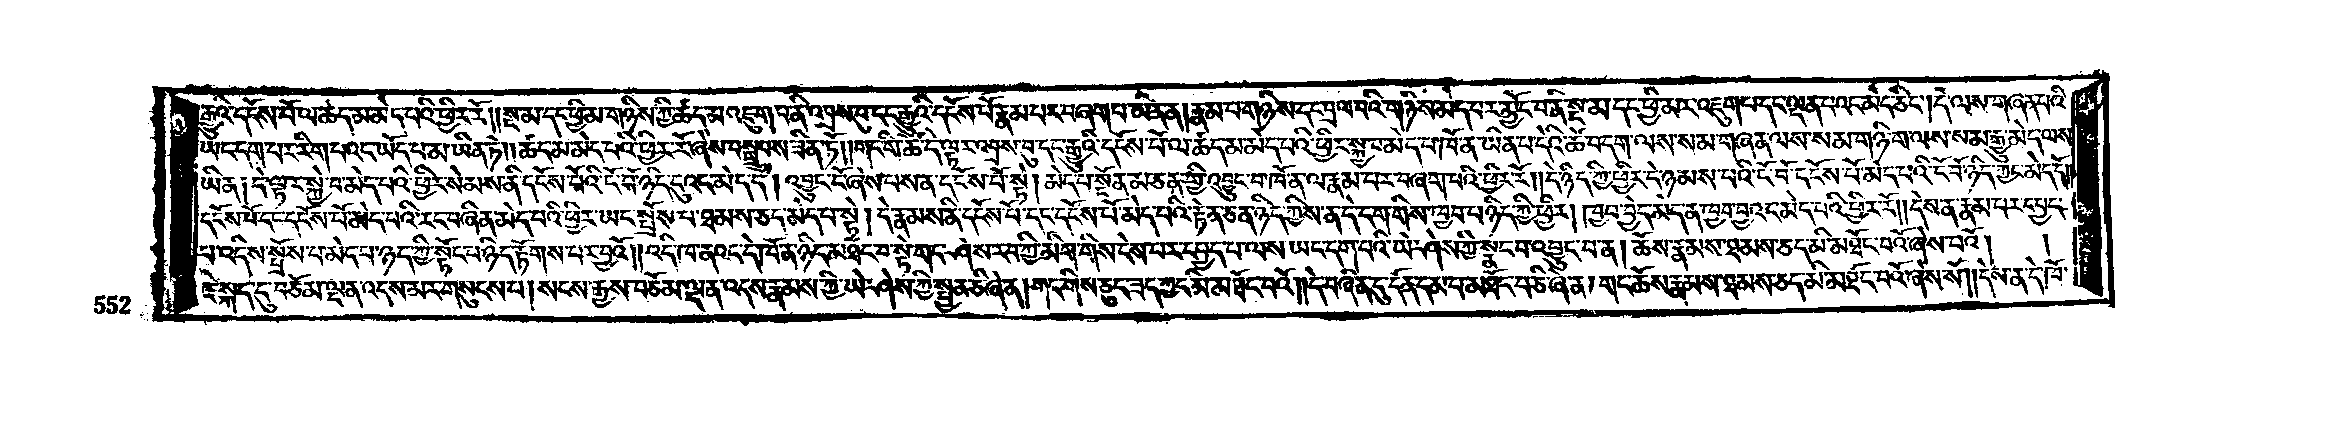རྒྱུའི་དངོས་པོ་ལ་ཆེད་མ་མེད་པའི་ཕྱིར་རོ། །སྔ་མ་དང་ཕྱི་མ་གཉིས་ཀྱི་ཚད་མ་འཇུག་པ་ནི་འབྲས་བུ་དང་རྒྱུའི་དངོས་པོ་རྣམ་པར་བཞག་པ་ཡིན་ན། རྣམ་པ་གཉིས་དང་བྲལ་བའི་གཉིས་མེད་པར་མྱོང་བ་ནི་སྔ་མ་དང་ཕྱི་མར་འཇུག་པ་དང་ལྡན་པའང་མེད་ཅིང་། དེ་ལས་གཞན་པའི་
ཡང་དག་པར་རིག་པའང་ཡོད་པ་མ་ཡིན་ཏེ། །ཚད་མ་མེད་པའི་ཕྱིར་རོ་ཞེས་བསྒྲུབས་ཟིན་ཏོ། །གང་གི་ཚེ་དེ་ལྟར་འབྲས་བུ་དང་རྒྱུའི་དངོས་པོ་ལ་ཚད་མ་མེད་པའི་ཕྱིར་སྐྱེ་བ་མེད་པ་ཁོ་ན་ཡིན་པ་དེའི་ཚེ་བདག་ལས་སམ་གཞན་ལས་སམ་གཉི་ག་ལས་སམ་རྒྱུ་མེད་ལས་
ཡིན། དེ་ལྟར་སྐྱེ་བ་མེད་པའི་ཕྱིར་སེམས་ནི་དངོས་པོའི་ངོ་བོ་ཉིད་དུའང་མེད་དེ། འབྱུང་ངོ་ཞེས་པས་ན་དངོས་པོ་སྟེ། མེད་པ་སྔོན་མ་ཅན་གྱི་འབྱུང་བ་ཁོ་ན་ལ་རྣམ་པར་བཞག་པའི་ཕྱིར་རོ། །དེ་ཉིད་ཀྱི་ཕྱིར་དེ་ཉམས་པའི་ངོ་བོ་དངོས་པོ་མེད་པའི་ངོ་བོ་ཉིད་ཀྱང་མེད་དོ། །
དངོས་པོ་དང་དངོས་པོ་མེད་པའི་རང་བཞིན་མེད་པའི་ཕྱིར་ཡང་སྤྲོས་པ་ཐམས་ཅད་མེད་པ་སྟེ། དེ་རྣམས་ནི་དངོས་པོ་དང་དངོས་པོ་མེད་པའི་རྟེན་ཅན་ཉིད་ཀྱིས་ན་དེ་དག་གིས་ཁྱབ་པ་ཉིད་ཀྱི་ཕྱིར། ཁྱབ་བྱེད་མེད་ན་ཁྱབ་བྱའང་མེད་པའི་ཕྱིར་རོ། །དེས་ན་རྣམ་པར་དཔྱད་
པ་འདིས་སྤྲོས་པ་མེད་པ་ཉིད་ཀྱི་སྟོང་པ་ཉིད་རྟོགས་པར་བྱའོ། །འདི་ཁོ་ནའང་དེ་ཁོ་ན་ཉིད་མཐོང་བ་སྟེ་གང་ཤེས་རབ་ཀྱི་མིག་གིས་ངེས་པར་དཔྱད་པ་ལས་ཡང་དག་པའི་ཡེ་ཤེས་ཀྱི་སྣང་བ་འབྱུང་བ་ན། ཆོས་རྣམས་ཐམས་ཅད་མི་མཐོང་བའོ་ཞེས་པའོ། །
ཇི་སྐད་དུ་བཅོམ་ལྡན་འདས་མར་གསུངས་པ། སངས་རྒྱས་བཅོམ་ལྡན་འདས་རྣམས་ཀྱི་ཡེ་ཤེས་ཀྱི་སྤྱན་ཅི་ཞེ་ན། གང་གིས་ཅུང་ཟད་ཀྱང་མི་མཐོང་བའོ། །དེ་བཞིན་དུ་དོན་དམ་པ་མཐོང་བ་ཅི་ཞེ་ན། གང་ཆོས་རྣམས་ཐམས་ཅད་མི་མཐོང་བའོ་ཞེས་སོ། །དེས་ན་དེ་ཁོ་